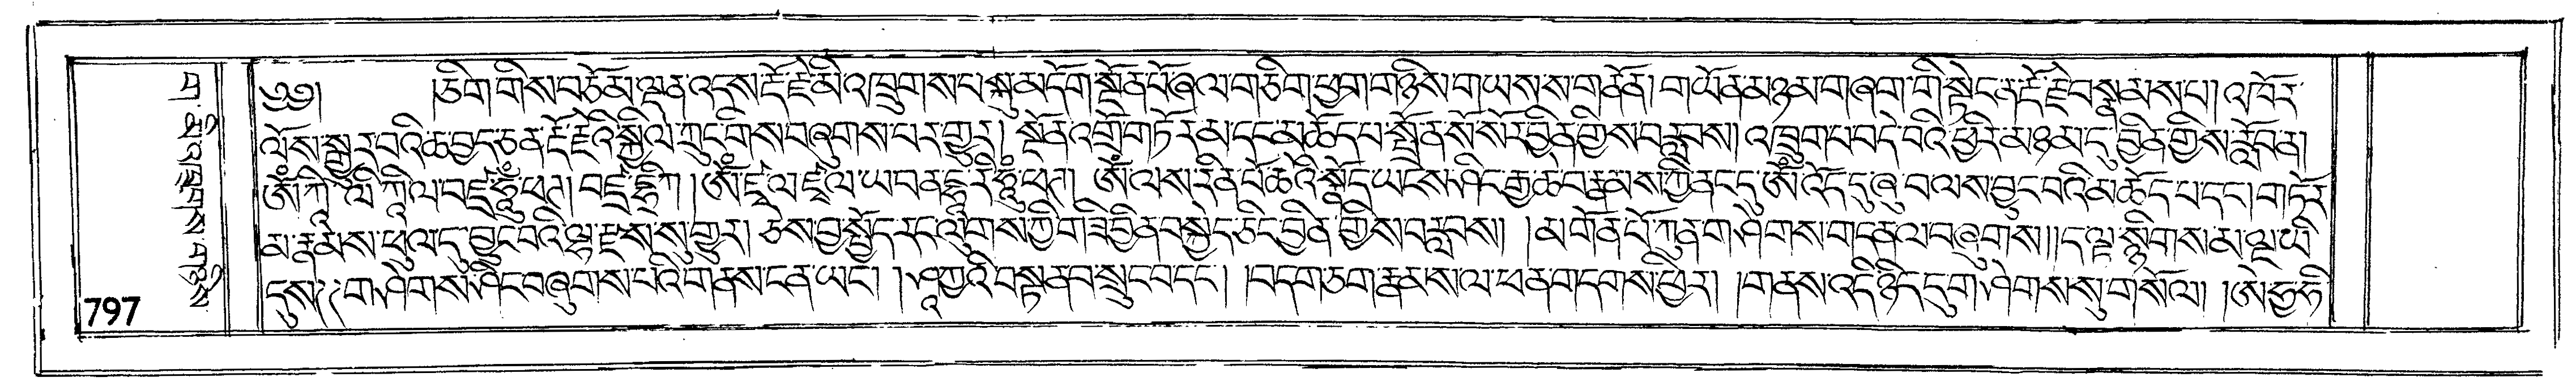༄༅། །ཅིག་གིས་བཅོམ་ལྡན་འདས་རྡོ་རྗེ་མི་འཁྲུགས་པ་སྐུ་མདོག་སྔོན་པོ་ཞལ་གཅིག་ཕྱག་གཉིས་གཡས་ས་གནོན། གཡོན་མཉམ་གཞག་གི་སྟེང་ན་རྡོ་རྗེ་བསྣམས་པ། འཁོར་
ལོས་སྒྱུར་བའི་ཆ་བྱད་ཅན་རྡོ་རྗེའི་སྐྱིལ་ཀྲུང་གིས་བཞུགས་པར་གྱུར། སྔོན་འགྲོ་གཏོར་མ་དང་མཆོད་པ་སྤྲོ་ན་སོ་སོར་བྱིན་གྱིས་བརླབས། འཁྲུག་པ་བདེ་བའི་ཕྱིར་མཉམ་དུ་བྱིན་གྱིས་རློབ་ན།
ཨོཾ་ཀཱི་ལི་ཀཱི་ལ་བཛྲ་ཧཱུཾ་ཕཊ། བཛྲ་དྷྲིཀ། ཨོཾ་ཛྭ་ལ་ཛྭ་ལ་ཡ་བན་དྷཱ་རི་ཧཱུཾ་ཕཊ། ཨོཾ་ལས་རིན་པོ་ཆེའི་སྣོད་ཡངས་ཤིང་རྒྱ་ཆེ་བ་རྣམས་ཀྱི་ནང་དུ་ཨོཾ་འོད་དུ་ཞུ་བ་ལས་བྱུང་བའི་མཆོད་པ་དང་། གཏོར་
མ་རྣམས་ཕུལ་དུ་བྱུང་བའི་ལྷ་རྫས་སུ་གྱུར། ཅེས་བྱ་སྤྱོད་རང་ལུགས་ཀྱི་གཟི་བྱིན་བསྐྱེད་ཅིང་བྱིན་གྱིས་བརླབས། །མགོན་པོ་ཀུན་གཤེགས་གདན་ལ་བཞུགས། །ད་ལྟ་སྙིགས་མ་ལྔ་ཡི་
དུས༑ ༑གཤེགས་ཤིང་བཞུགས་པའི་གནས་ངན་ཡང་། །ཤཱཀྱའི་བསྟན་བ་སྲུང་བ་དང་། །བདག་ཅག་རྣམས་ལ་ཕན་གདགས་ཕྱིར། །གནས་འདི་ཉིད་དུ་གཤེགས་སུ་གསོལ། །ཨེ་ཧྱ་ཧི་